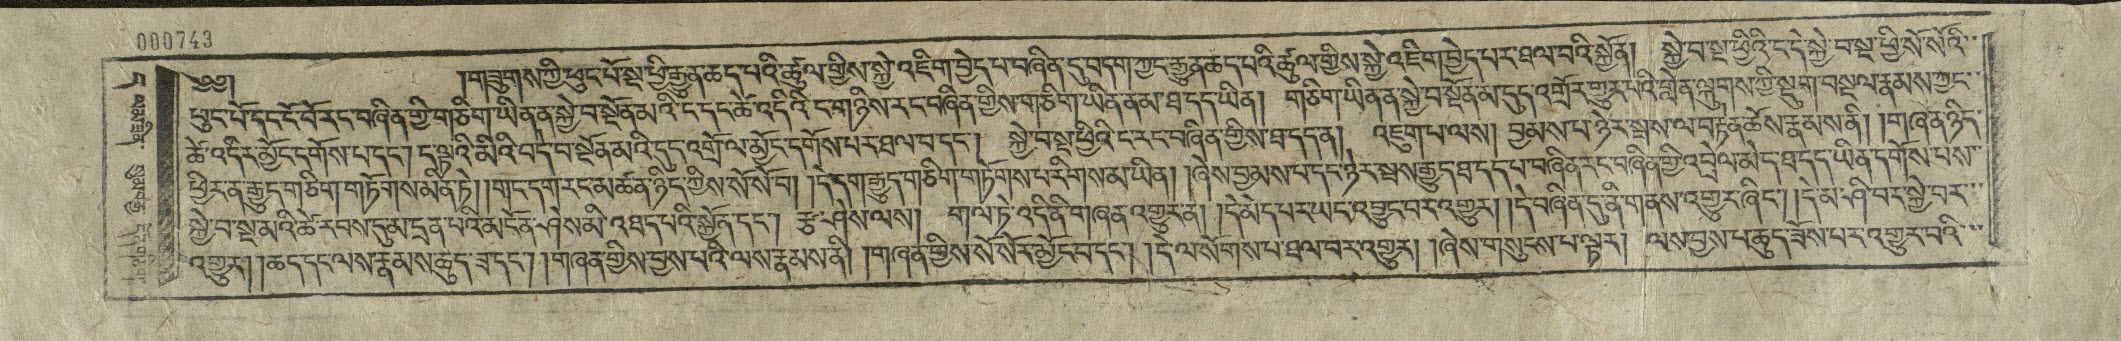༄༅། །གཟུགས་ཀྱི་ཕུང་པོ་སྔ་ཕྱི་རྒྱུན་ཆད་པའི་ཚུལ་གྱིས་སྐྱེ་འཇིག་བྱེད་པ་བཞིན་དུ་བདག་ཀྱང་རྒྱུན་ཆད་པའི་ཚུལ་གྱིས་སྐྱེ་འཇིག་བྱེད་པར་ཐལ་བའི་སྐྱོན། སྐྱེ་བ་སྔ་ཕྱིའི་ང་དེ་སྐྱེ་བ་སྔ་ཕྱི་སོ་སོའི་
ཕུང་པོ་དང་ངོ་བོ་རང་བཞིན་གྱི་གཅིག་ཡིན་ན་སྐྱེ་བ་སྔོན་མའི་ང་དང་ཚེ་འདིའི་ང་གཉིས་རང་བཞིན་གྱིས་གཅིག་ཡིན་ནམ་ཐ་དད་ཡིན། གཅིག་ཡིན་ན་སྐྱེ་བ་སྔོན་མ་དུད་འགྲོར་གྱུར་པའི་གླེན་ལྐུགས་ཀྱི་སྡུག་བསྔལ་རྣམས་ཀྱང་
ཚེ་འདིར་མྱོང་དགོས་པ་དང་། ད་ལྟའི་མིའི་བདེ་བ་སྔོན་མའི་དུད་འགྲོ་ལ་མྱོང་དགོས་པར་ཐལ་བ་དང་། སྐྱེ་བ་སྔ་ཕྱིའི་ང་རང་བཞིན་གྱིས་ཐ་དད་ན། འཇུག་པ་ལས། བྱམས་པ་ཉེར་སྤས་ལ་བརྟེན་ཆོས་རྣམས་ནི། །གཞན་ཉིད་
ཕྱིར་ན་རྒྱུད་གཅིག་གཏོགས་མིན་ཏེ། །གང་དག་རང་མཚན་ཉིད་ཀྱིས་སོ་སོ་བ། །དེ་དག་རྒྱུད་གཅིག་གཏོགས་པ་རིགས་མ་ཡིན། །ཞེས་བྱམས་པ་དང་ཉེར་སྦས་རྒྱུད་ཐ་དད་པ་བཞིན་རང་བཞིན་གྱི་འབྲེལ་མེད་ཐ་དད་ཡིན་དགོས་པས་
སྐྱེ་བ་སྔ་མའི་ཚེ་རབས་དུ་མ་དྲན་པའི་མངོན་ཤེས་མི་འཐད་པའི་སྐྱོན་དང་། རྩ་ཤེས་ལས། གལ་ཏེ་འདི་ནི་གཞན་འགྱུར་ན། །དེ་མེད་པར་ཡང་འབྱུང་བར་འགྱུར། །དེ་བཞིན་དུ་ནི་གནས་འགྱུར་ཞིང་། །དེ་མ་ཤི་བར་སྐྱེ་བར་
འགྱུར། །ཆད་དང་ལས་རྣམས་ཆུད་ཟ་དང་། །གཞན་གྱིས་བྱས་པའི་ལས་རྣམས་ནི། །གཞན་གྱིས་སོ་སོར་མྱོང་བ་དང་། །དེ་ལ་སོགས་པ་ཐལ་བར་འགྱུར། །ཞེས་གསུངས་པ་ལྟར། ལས་བྱས་པ་ཆུད་ཟོས་པར་འགྱུར་བའི་